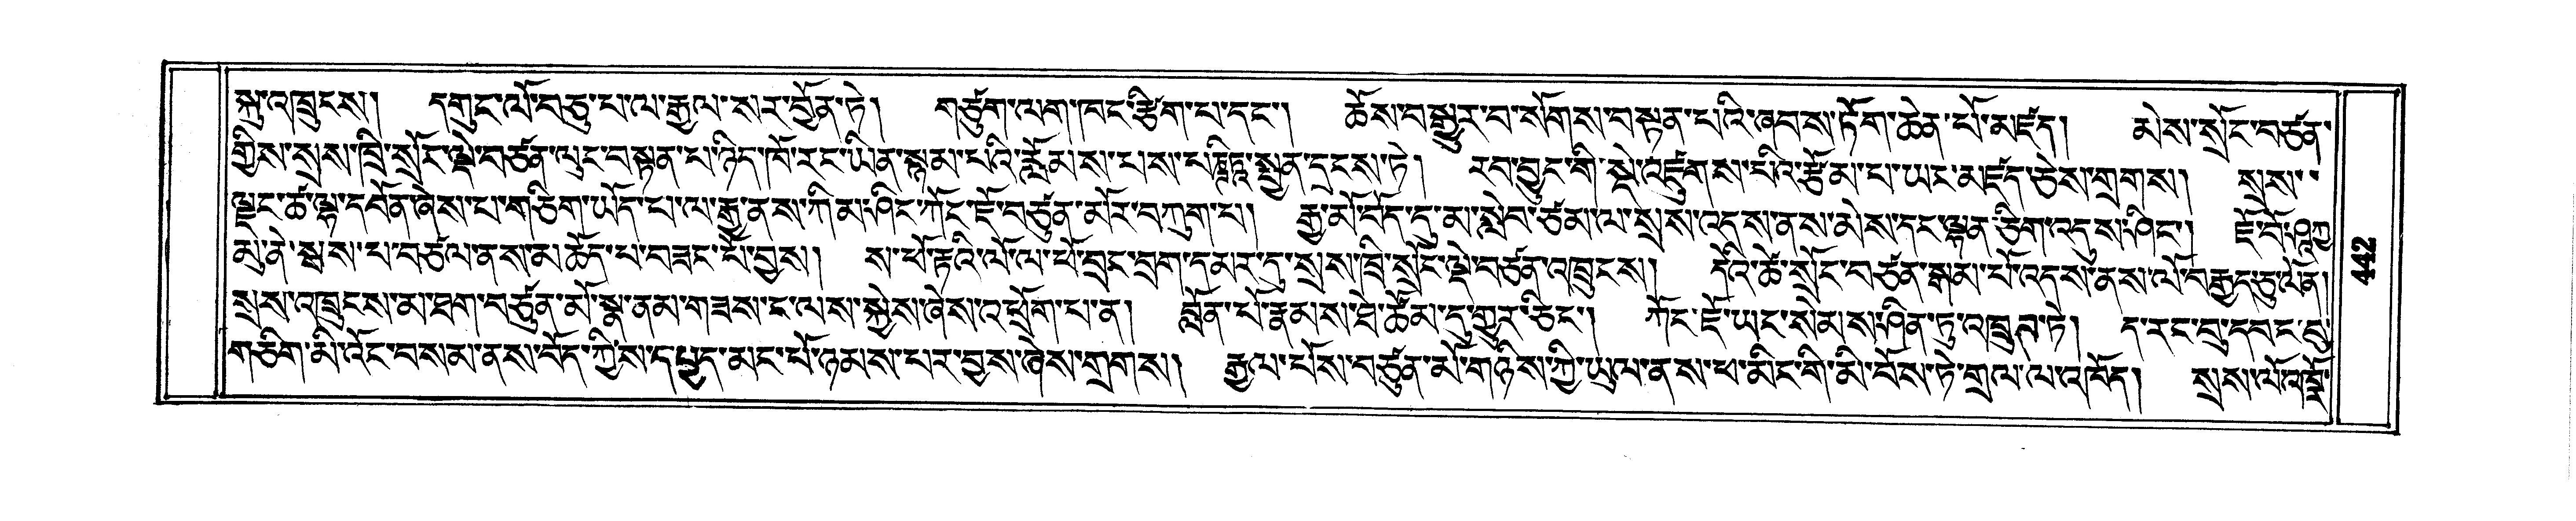སྐུ་འཁྲུངས། དགུང་ལོ་བཅུ་པ་ལ་རྒྱལ་སར་བྱོན་ཏེ། གཙུག་ལག་ཁང་རྩིག་པ་དང་། ཆོས་བསྒྱུར་བ་སོགས་བསྟན་པའི་ཞབས་ཏོག་ཆེན་པོ་མཛད། མེས་སྲོང་བཙན་
གྱིས་སྲས་ཁྲི་སྲོང་ལྡེ་བཙན་ལུང་བསྟན་པ་ཉིད་ཁོ་རང་ཡིན་སྙམ་པའི་རློམས་པས་པཎྜིཏཱ་སྤྱན་དྲངས་ཏེ། རབ་བྱུང་གི་སྡེ་འཛུགས་པའི་རྩོམ་པ་ཡང་མཛད་ཅེས་གྲགས། སྲས་
ལྗང་ཚ་ལྷ་དབོན་ཞེས་པ་གཅིག་ཡོད་པ་ལ་རྒྱ་ནས་ཀིམ་ཤིང་ཀོང་ཇོ་བཙུན་མོར་བཀུག་པ། རྒྱ་མོ་བོད་དུ་མ་སླེབ་ཙམ་ལ་སྲས་འདས་ནས་མེས་དང་ལྷན་ཅིག་འདུས་ཤིང་། ཇོ་བོ་ཤཱཀྱ་
མུ་ནེ་སྦས་པ་བཙལ་ནས་མཆོད་པ་བཟང་པོ་བྱས། ས་ཕོ་རྟའི་ལོ་ལ་ཕོ་བྲང་བྲག་དམར་དུ་སྲས་ཁྲི་སྲོང་ལྡེ་བཙན་འཁྲུངས། དེའི་ཚེ་སྲོང་བཙན་སྒམ་པོ་འདས་ནས་ལོ་བརྒྱད་ཅུ་ལོན།
སྲས་འཁྲུངས་མ་ཐག་བཙུན་མོ་སྣ་ནམ་གཟས་ང་ལས་སྐྱེས་ཞེས་འཕྲོག་པ་ན། བློན་པོ་རྣམས་ཐེ་ཚོམ་དུ་གྱུར་ཅིང་། ཀོང་ཇོ་ཡང་སེམས་ཤིན་ཏུ་འཁྲུཌ་ཏེ། ད་རང་བུ་དབང་བུ་
གཅིག་མི་འོང་བསམ་ནས་བོད་ཀྱི་ས་དཔྱད་མང་པོ་ཉམས་པར་བྱས་ཞེས་གྲགས། རྒྱལ་པོས་བཙུན་མོ་གཉིས་ཀྱི་ཡུལ་ནས་ཕ་མིང་གི་མི་བོས་ཏེ་གྲལ་ལ་འཁོད། སྲས་ལོ་འཁོར་